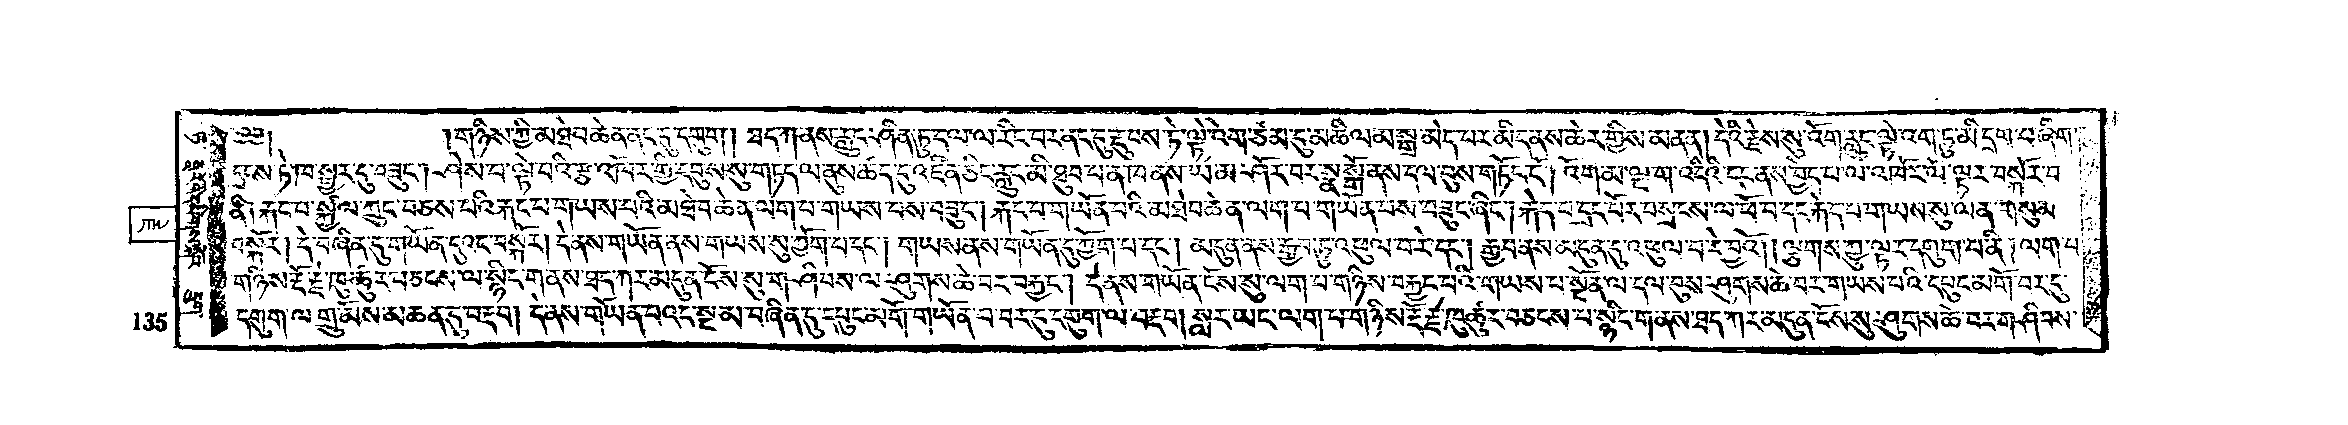༄༅། །གཉིས་ཀྱི་མཐེབ་ཆེན་ནང་དུ་དགུག །ཐད་ཀ་ནས་རླུང་ཤིན་ཏུ་དལ་ལ་རིང་བར་ནང་དུ་རྡུབས་ཏེ་ལྟེ་འོག་ཙམ་དུ་མཆིལ་མ་སྒྲ་མེད་པར་མིད་ནས་ཆེར་གྱིས་མནན། དེའི་རྗེས་སུ་འོག་རླུང་ལྟེ་འོག་ཏུ་མི་དྲག་པ་ཞིག་
དྲངས་ཏེ་ཁ་སྦྱར་དུ་བཟུང་། ཤེས་པ་ལྟེ་བའི་རྩ་འཁོར་གྱི་དབུས་སུ་གཏད་ལ་ནུས་ཚད་དུ་འཛིན་ཅིང་རླུང་མི་ཐུབ་པ་ན་ཁ་ནས་ཡེ་མ་ཤོར་བར་སྣ་སྒོ་ནས་དལ་བུས་གཏོང་ངོ། འོག་མ་ལྔ་ག་འདིའི་དང་ནས་བྱེད་པ་ལ་འཁོར་ལོ་ལྟར་བསྐོར་བ་
ནི། རྐང་པ་སྐྱིལ་ཀྲུང་བཅས་པའི་རྐང་པ་གཡས་པའི་མཐེབ་ཆེན་ལག་པ་གཡས་པས་བཟུང་། རྐང་པ་གཡོན་པའི་མཐེབ་ཆེན་ལག་པ་གཡོན་པས་བཟུང་ཞིང་། རྐེད་པ་དྲང་པོར་བསྲངས་ལ་ཕོ་བ་དང་རྐེད་པ་གཡས་སུ་ལན་གསུམ་
བསྐོར། དེ་བཞིན་དུ་གཡོན་དུའང་བསྐོར། དེ་ནས་གཡོན་ནས་གཡས་སུ་ཀྱོག་པ་དང་། གཡས་ནས་གཡོན་དུ་ཀྱོག་པ་དང་། མདུན་ནས་རྒྱབ་ཏུ་འཕུལ་བ་རེ་དང་། རྒྱབ་ནས་མདུན་དུ་འཕུལ་བ་རེ་བྱའོ། །ལྕགས་ཀྱུ་ལྟར་དགུག་པ་ནི། ལག་པ་
གཉིས་རྡོ་རྗེ་ཁུ་ཚུར་བཅངས་ལ་སྙིང་ག་ནས་ཐད་ཀར་མདུན་ངོས་སུ་གཤིབས་ལ་ཤུགས་ཆེ་བར་བརྐྱང་། དེ་ནས་གཡོན་ངོས་སུ་ལག་པ་གཉིས་བརྐྱང་པའི་གཡས་པ་སྔོན་ལ་དལ་བུས་ཤུགས་ཆེ་བར་གཡས་པའི་དཔུང་མགོ་བར་དུ་
དགུག་ལ་གྲུ་མོས་མཚན་དུ་བརྡབ། དེ་ནས་གཡོན་པའང་སྔ་མ་བཞིན་དུ་དཔུང་མགོ་གཡོན་པ་བར་དུ་དགུག་ལ་བརྡབ། སླར་ཡང་ལག་པ་གཉིས་རྡོ་རྗེ་ཁུ་ཚུར་བཅངས་པ་སྙིང་ག་ནས་ཐད་ཀར་མདུན་ངོས་སུ་ཤུགས་ཆེ་བར་གཤིབས་